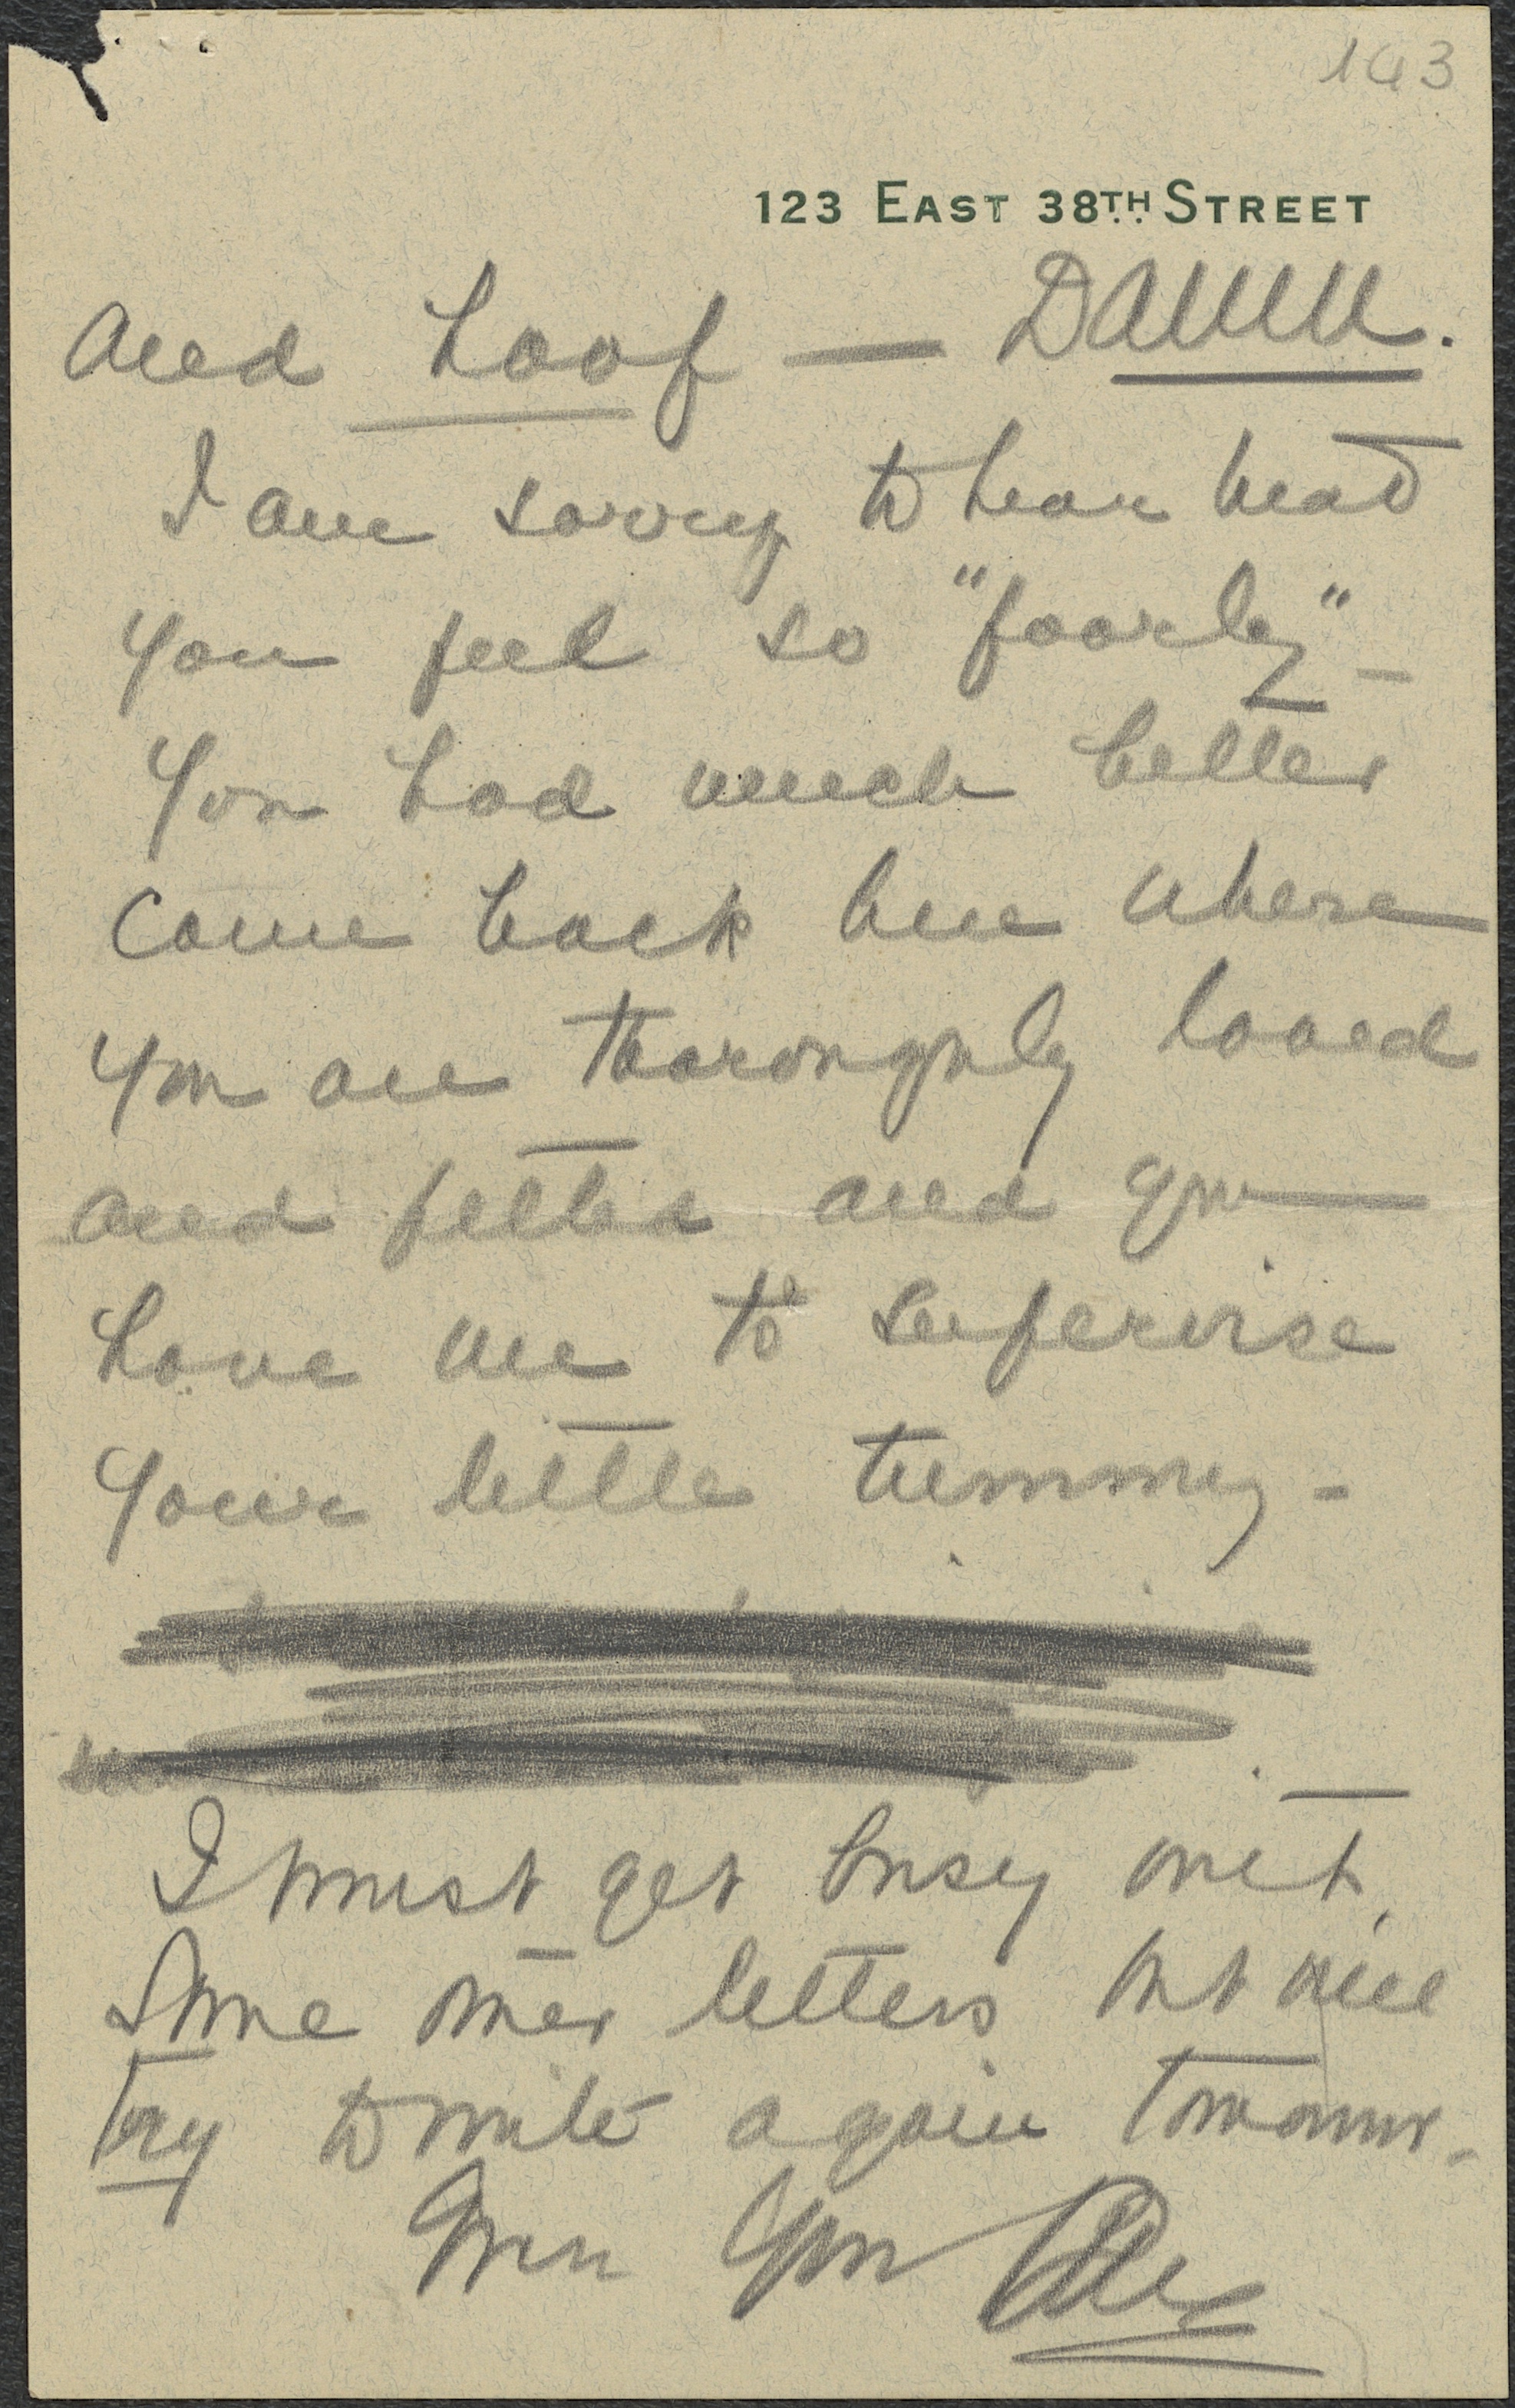and hoop – DAMN.
I am sorry to hear that you feel so "poorly" – You had much better come back here where you are thoroughly loved and petted and you have me to supervise your little tummy –
[illegible deletions]
I must get busy with some other letters but will try to write again tomorrow.
Ever Your Belle